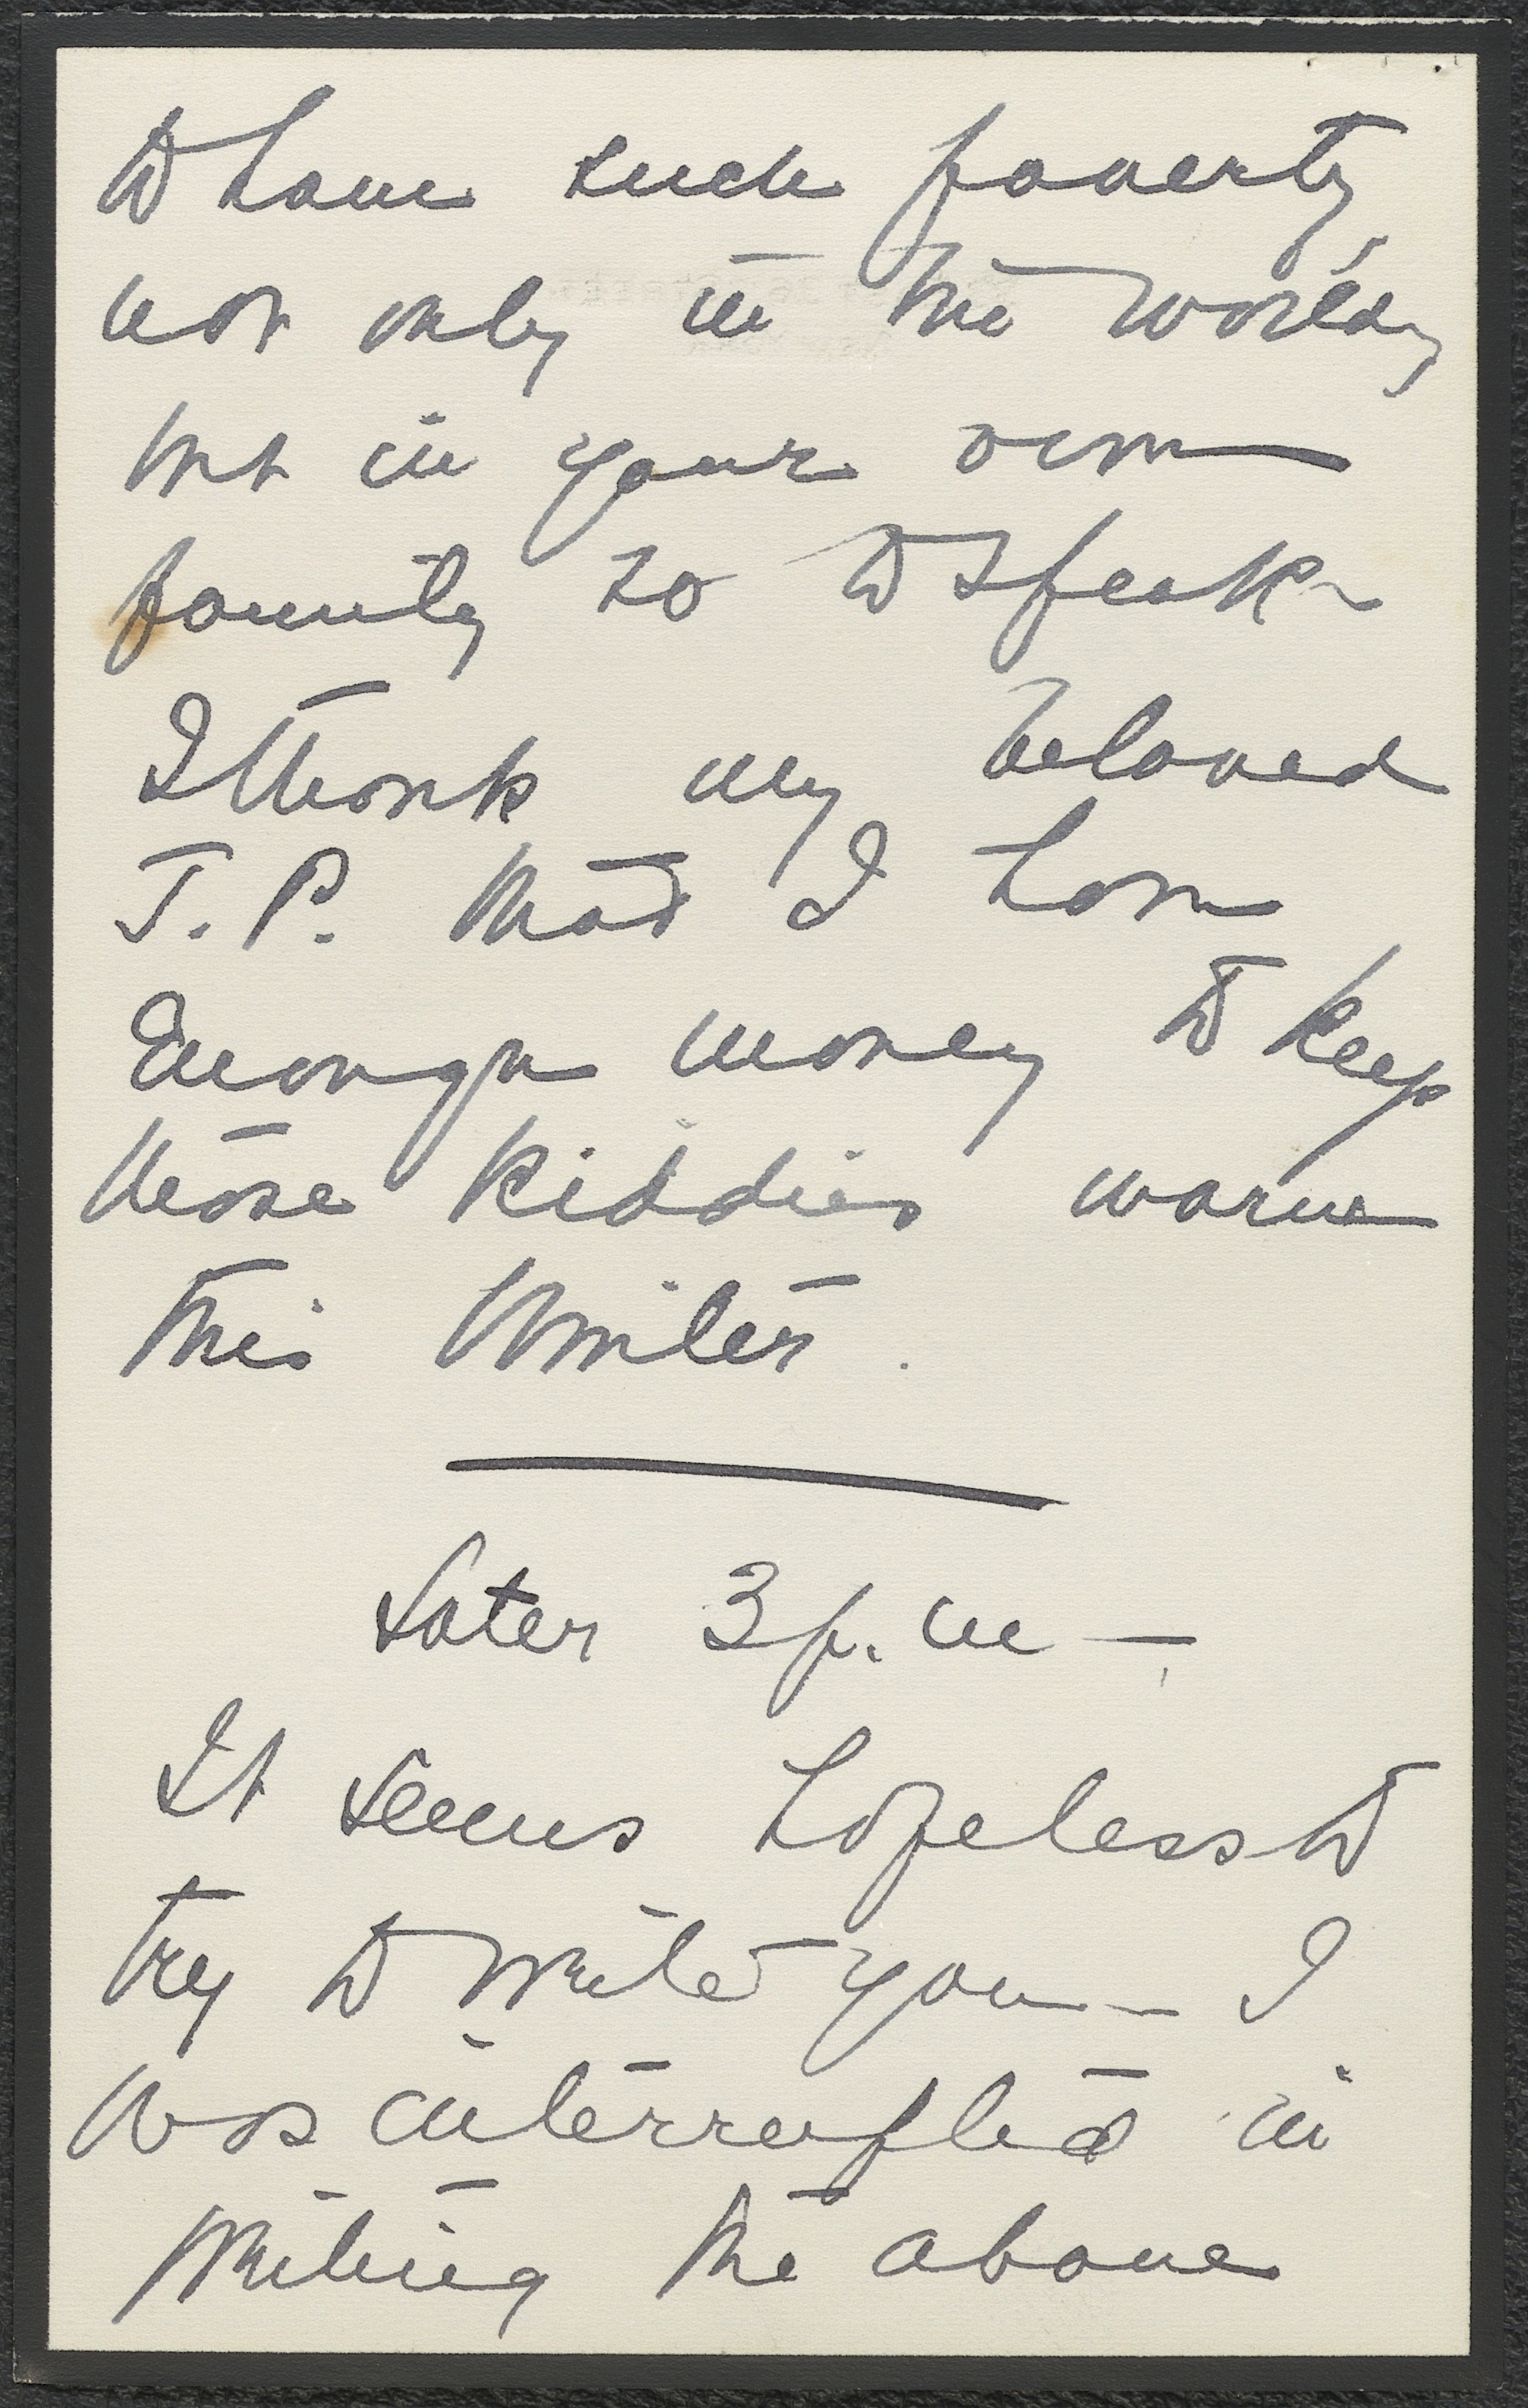to have such poverty, not only in the world, but in your own family so to speak – I thank my beloved J.P. that I have enough money to keep those kiddies warm this winter.
Later 3 p.m –
It seems hopeless to try to write you – I was interrupted in writing the above